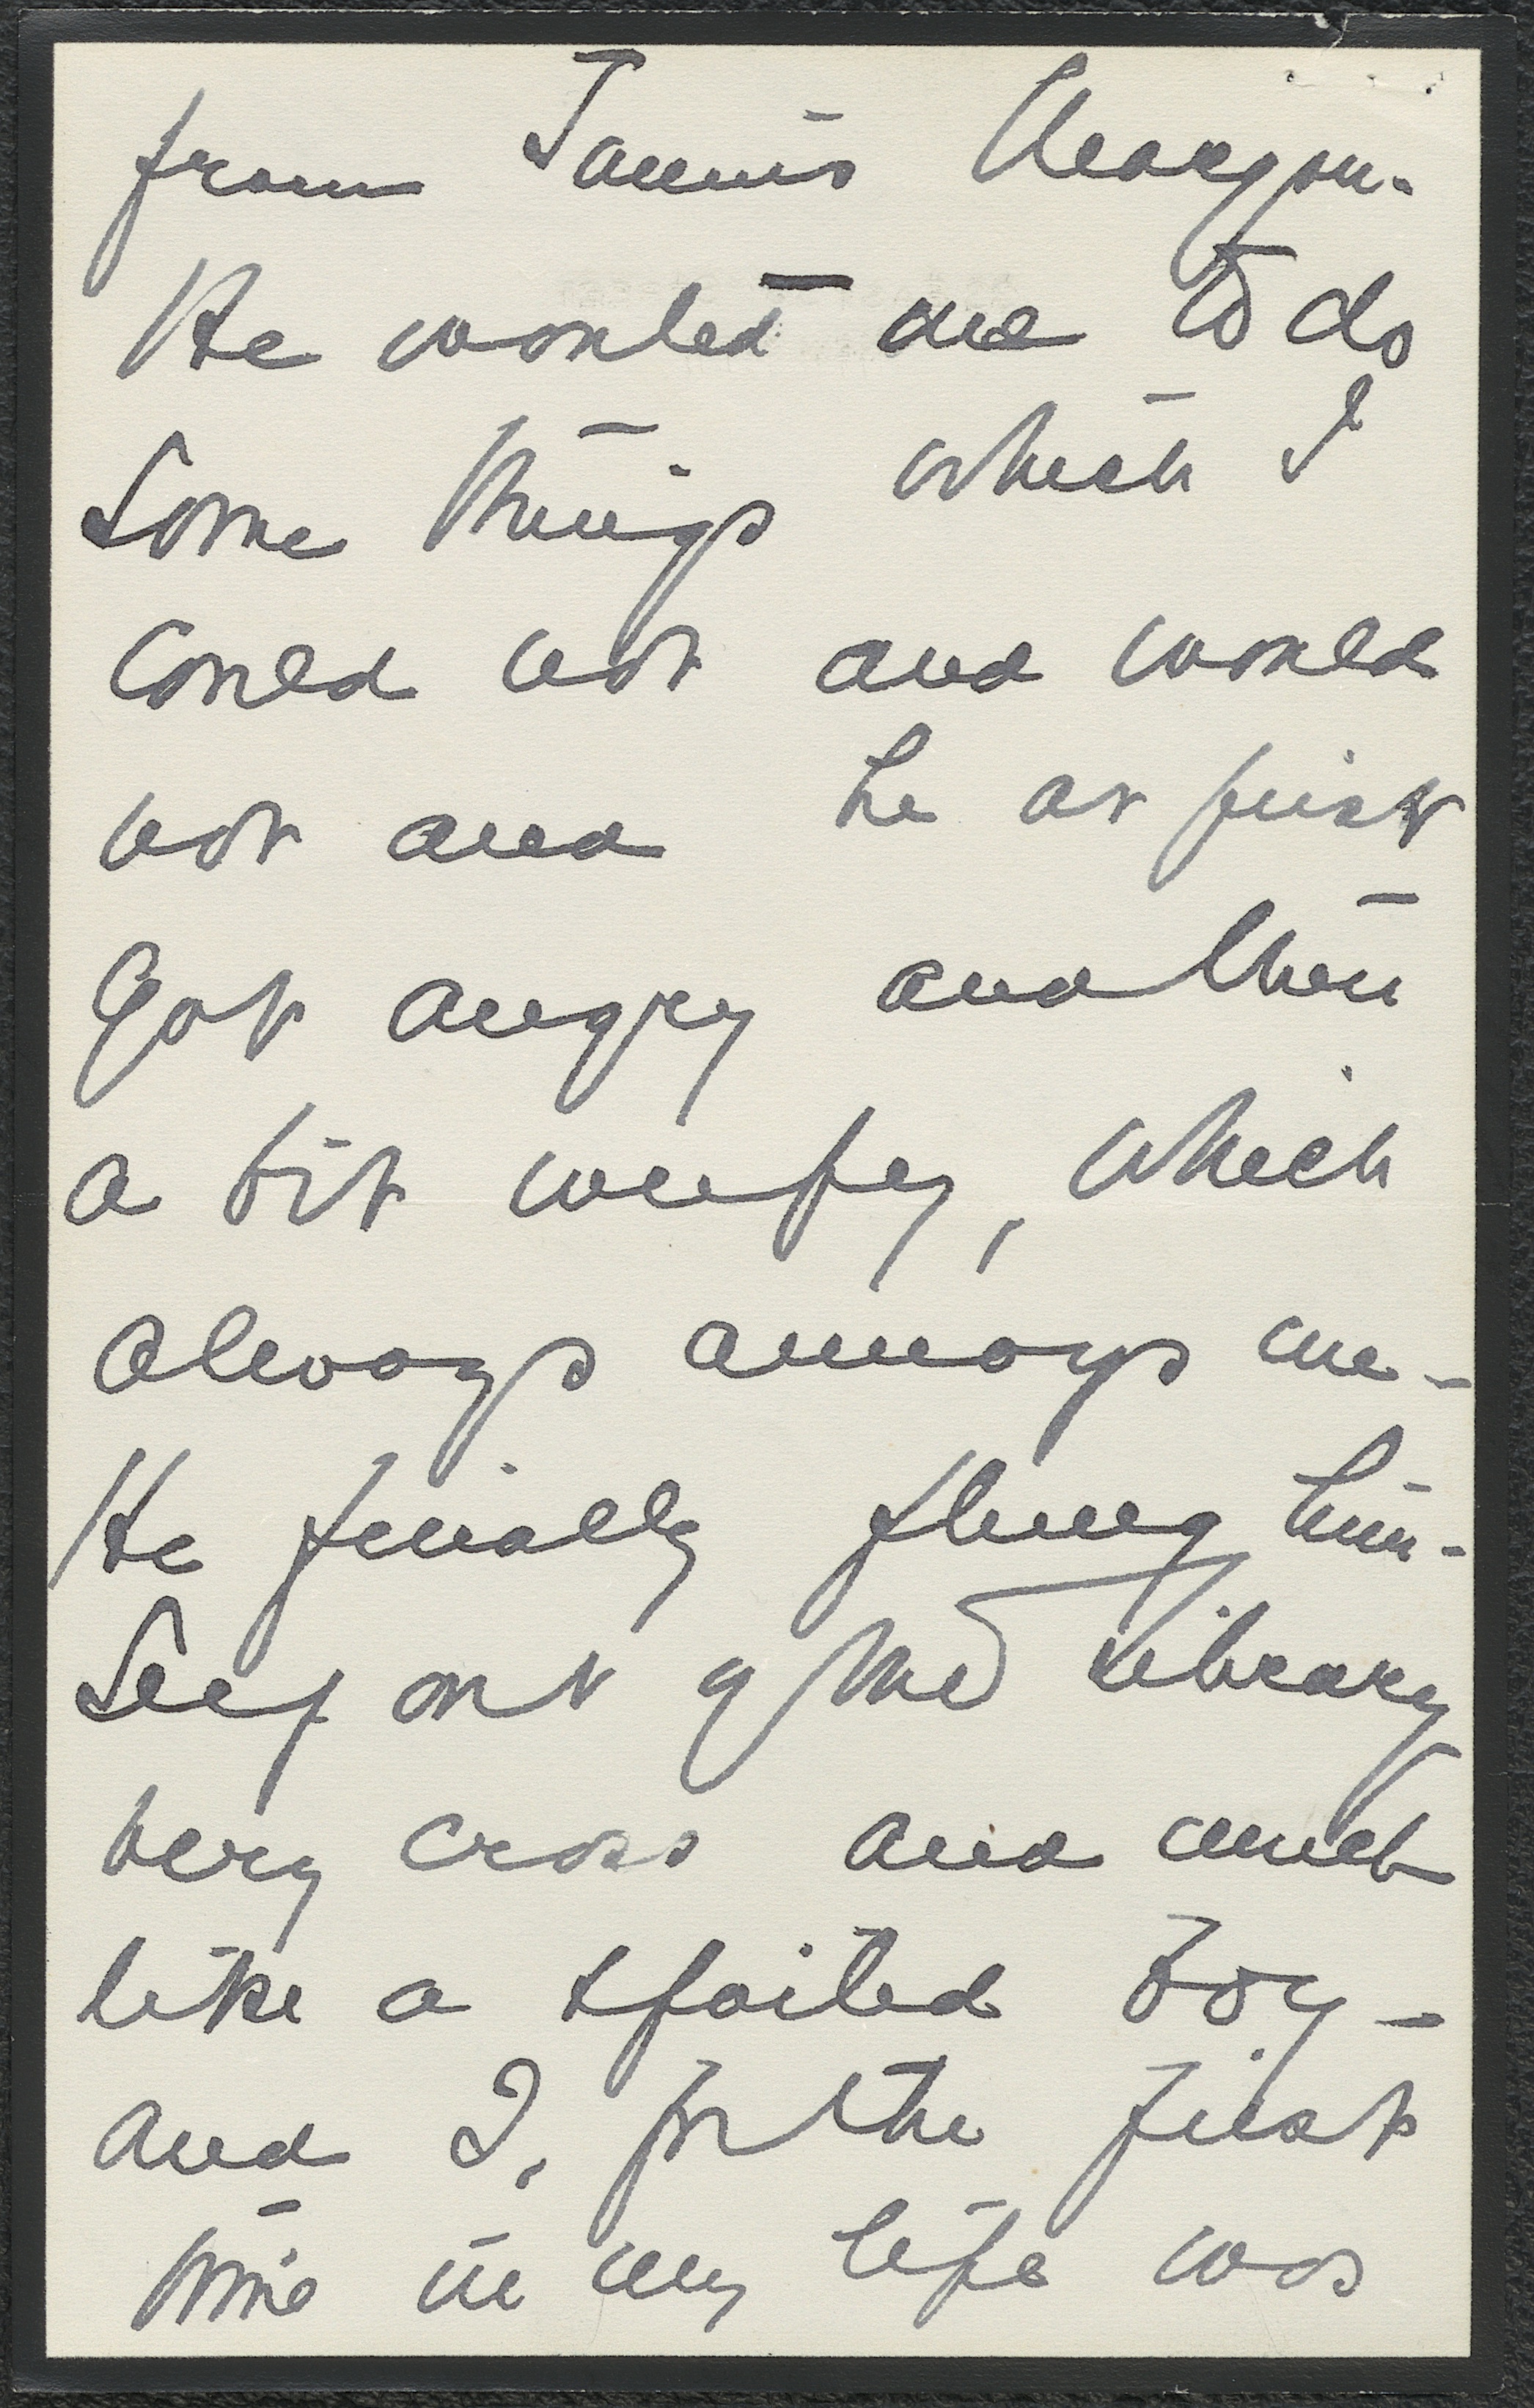from Junius Morgan – He wanted me to do some things which I could not and would not and he at first got angry and then a bit weepy, which always annoys me – He finally flung himself out of the library very cross and much like a spoiled boy – and I, for the first time in my life was